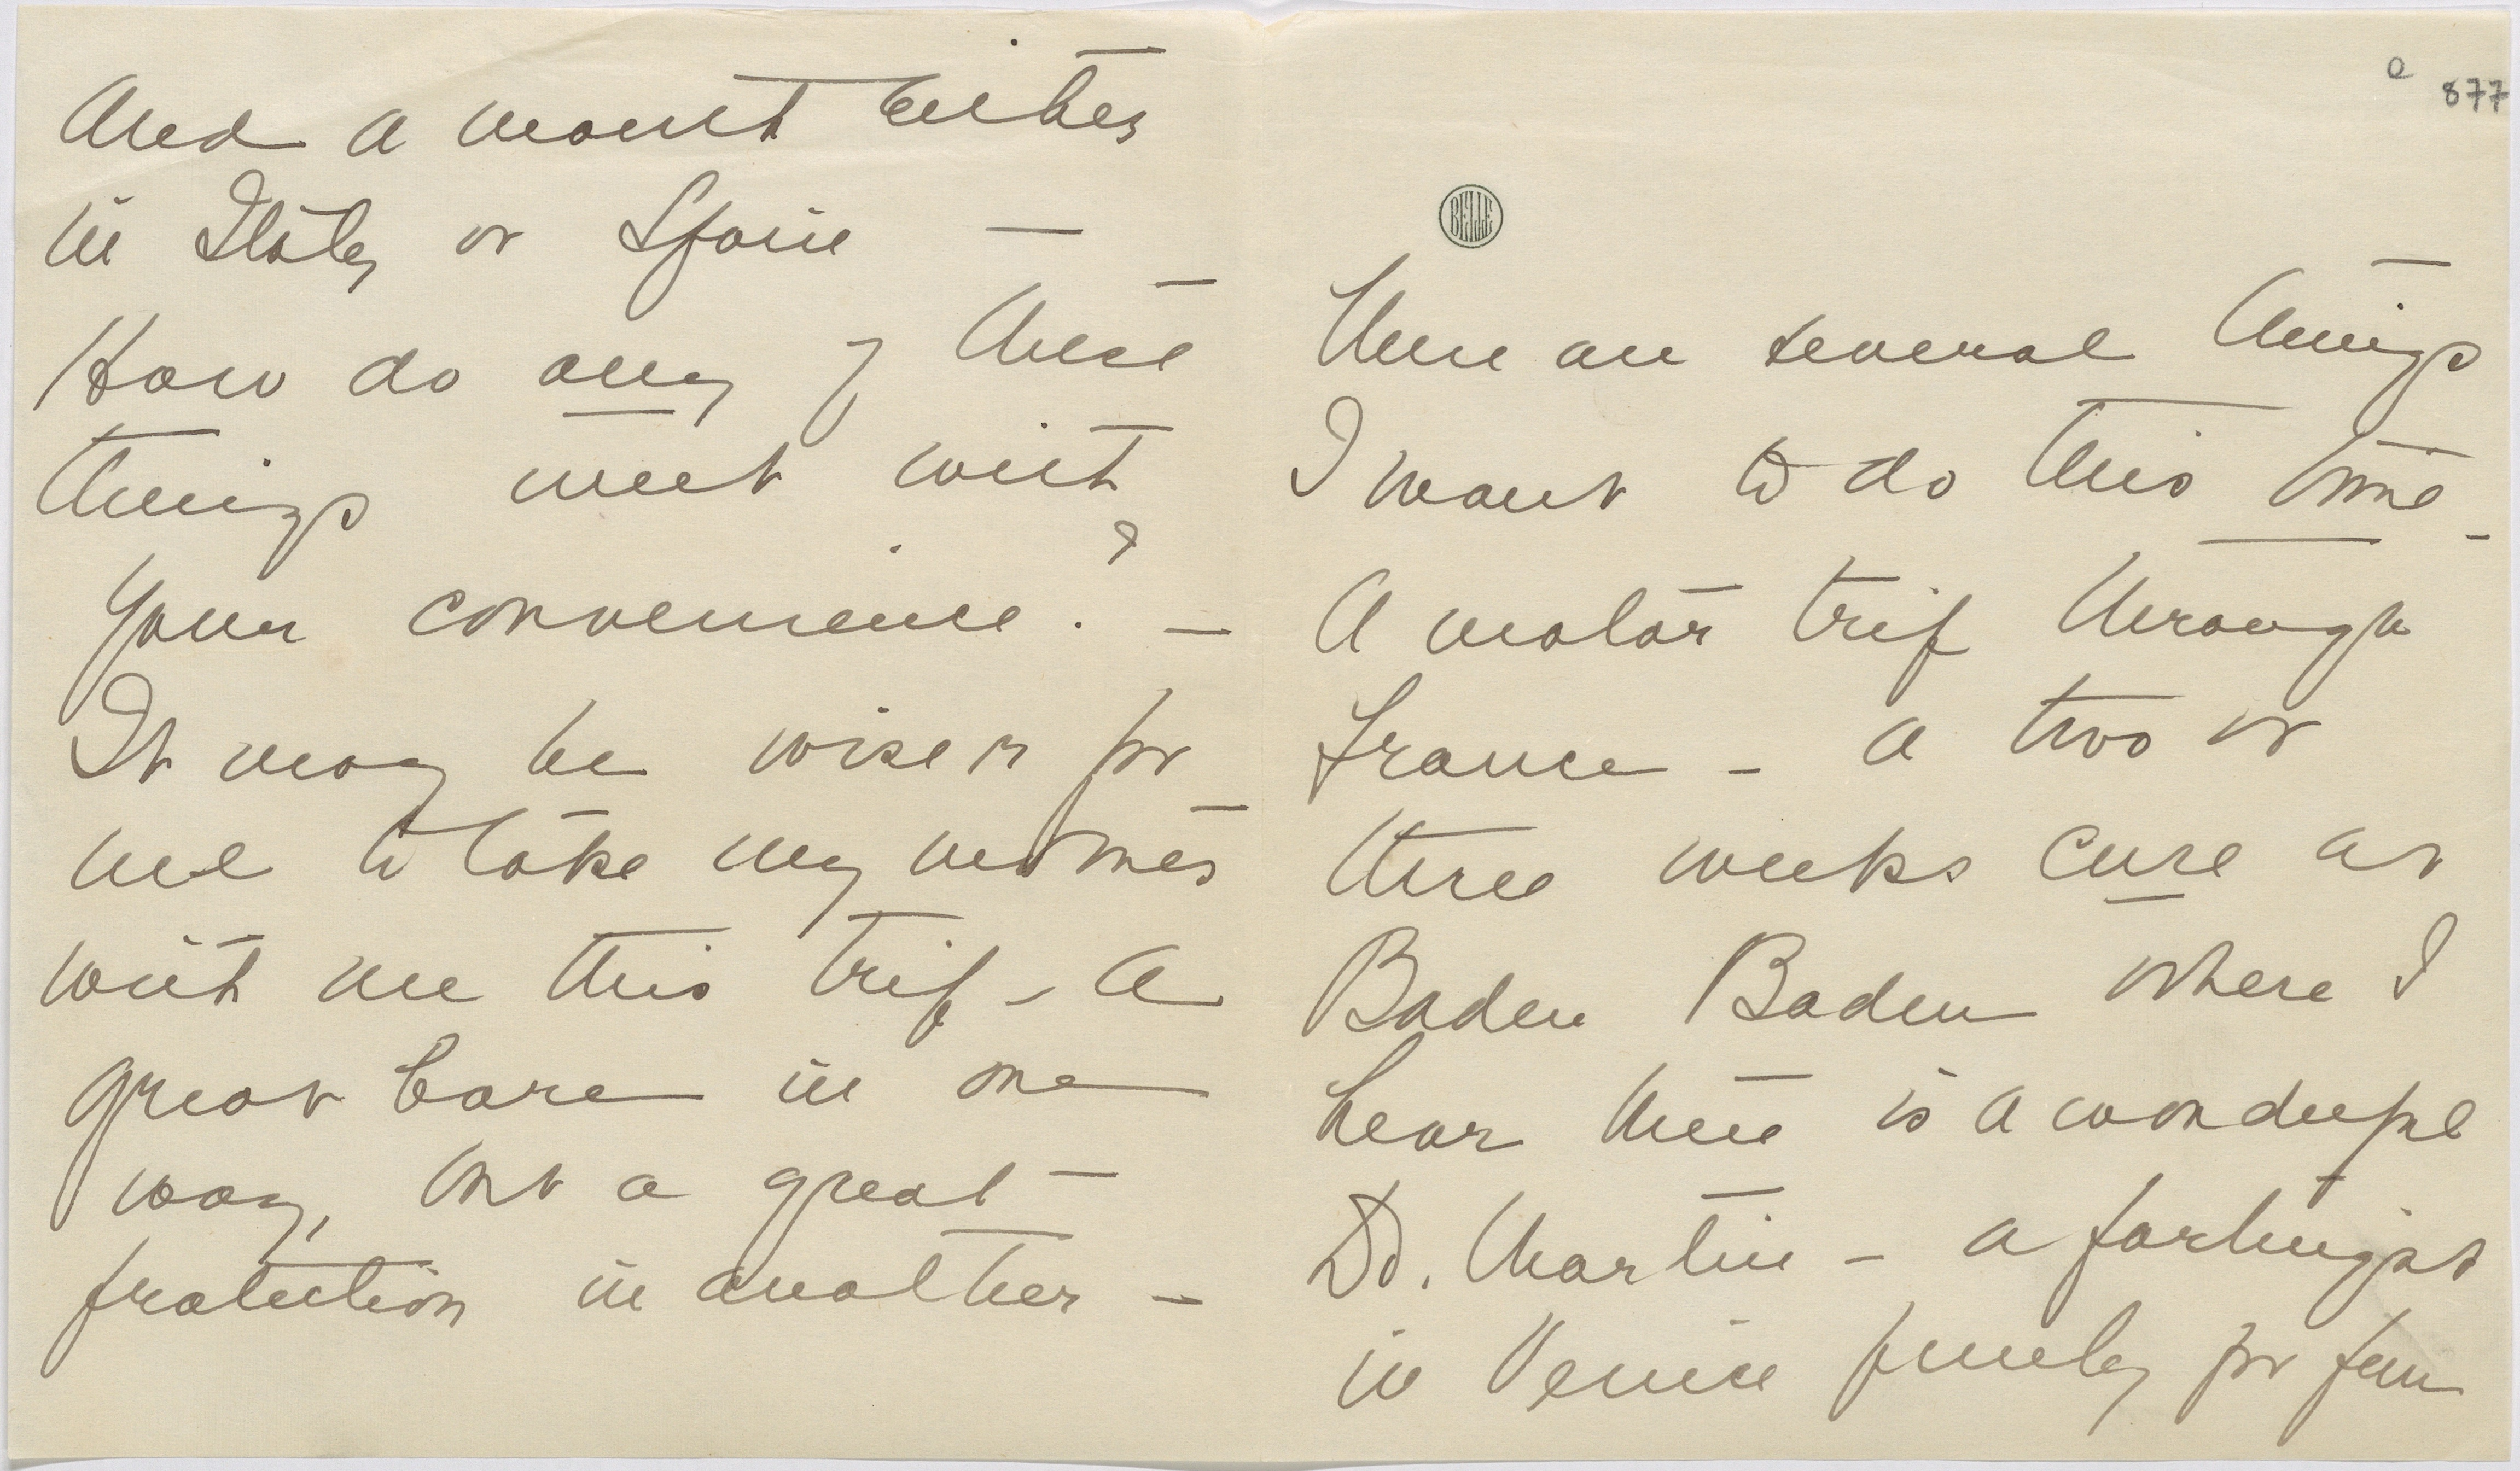There are several things I want to do this time – a motor trip through France – a two or three weeks cure at Baden Baden where I hear there is a wonderful Dr. Martin – a fortnight in Venice purely for fun
and a month either in Italy or Spain – How do any of these things meet with your convenience? – It may be wiser for me to take my mother with me this trip – a great bore in one way, but a great protection in another –